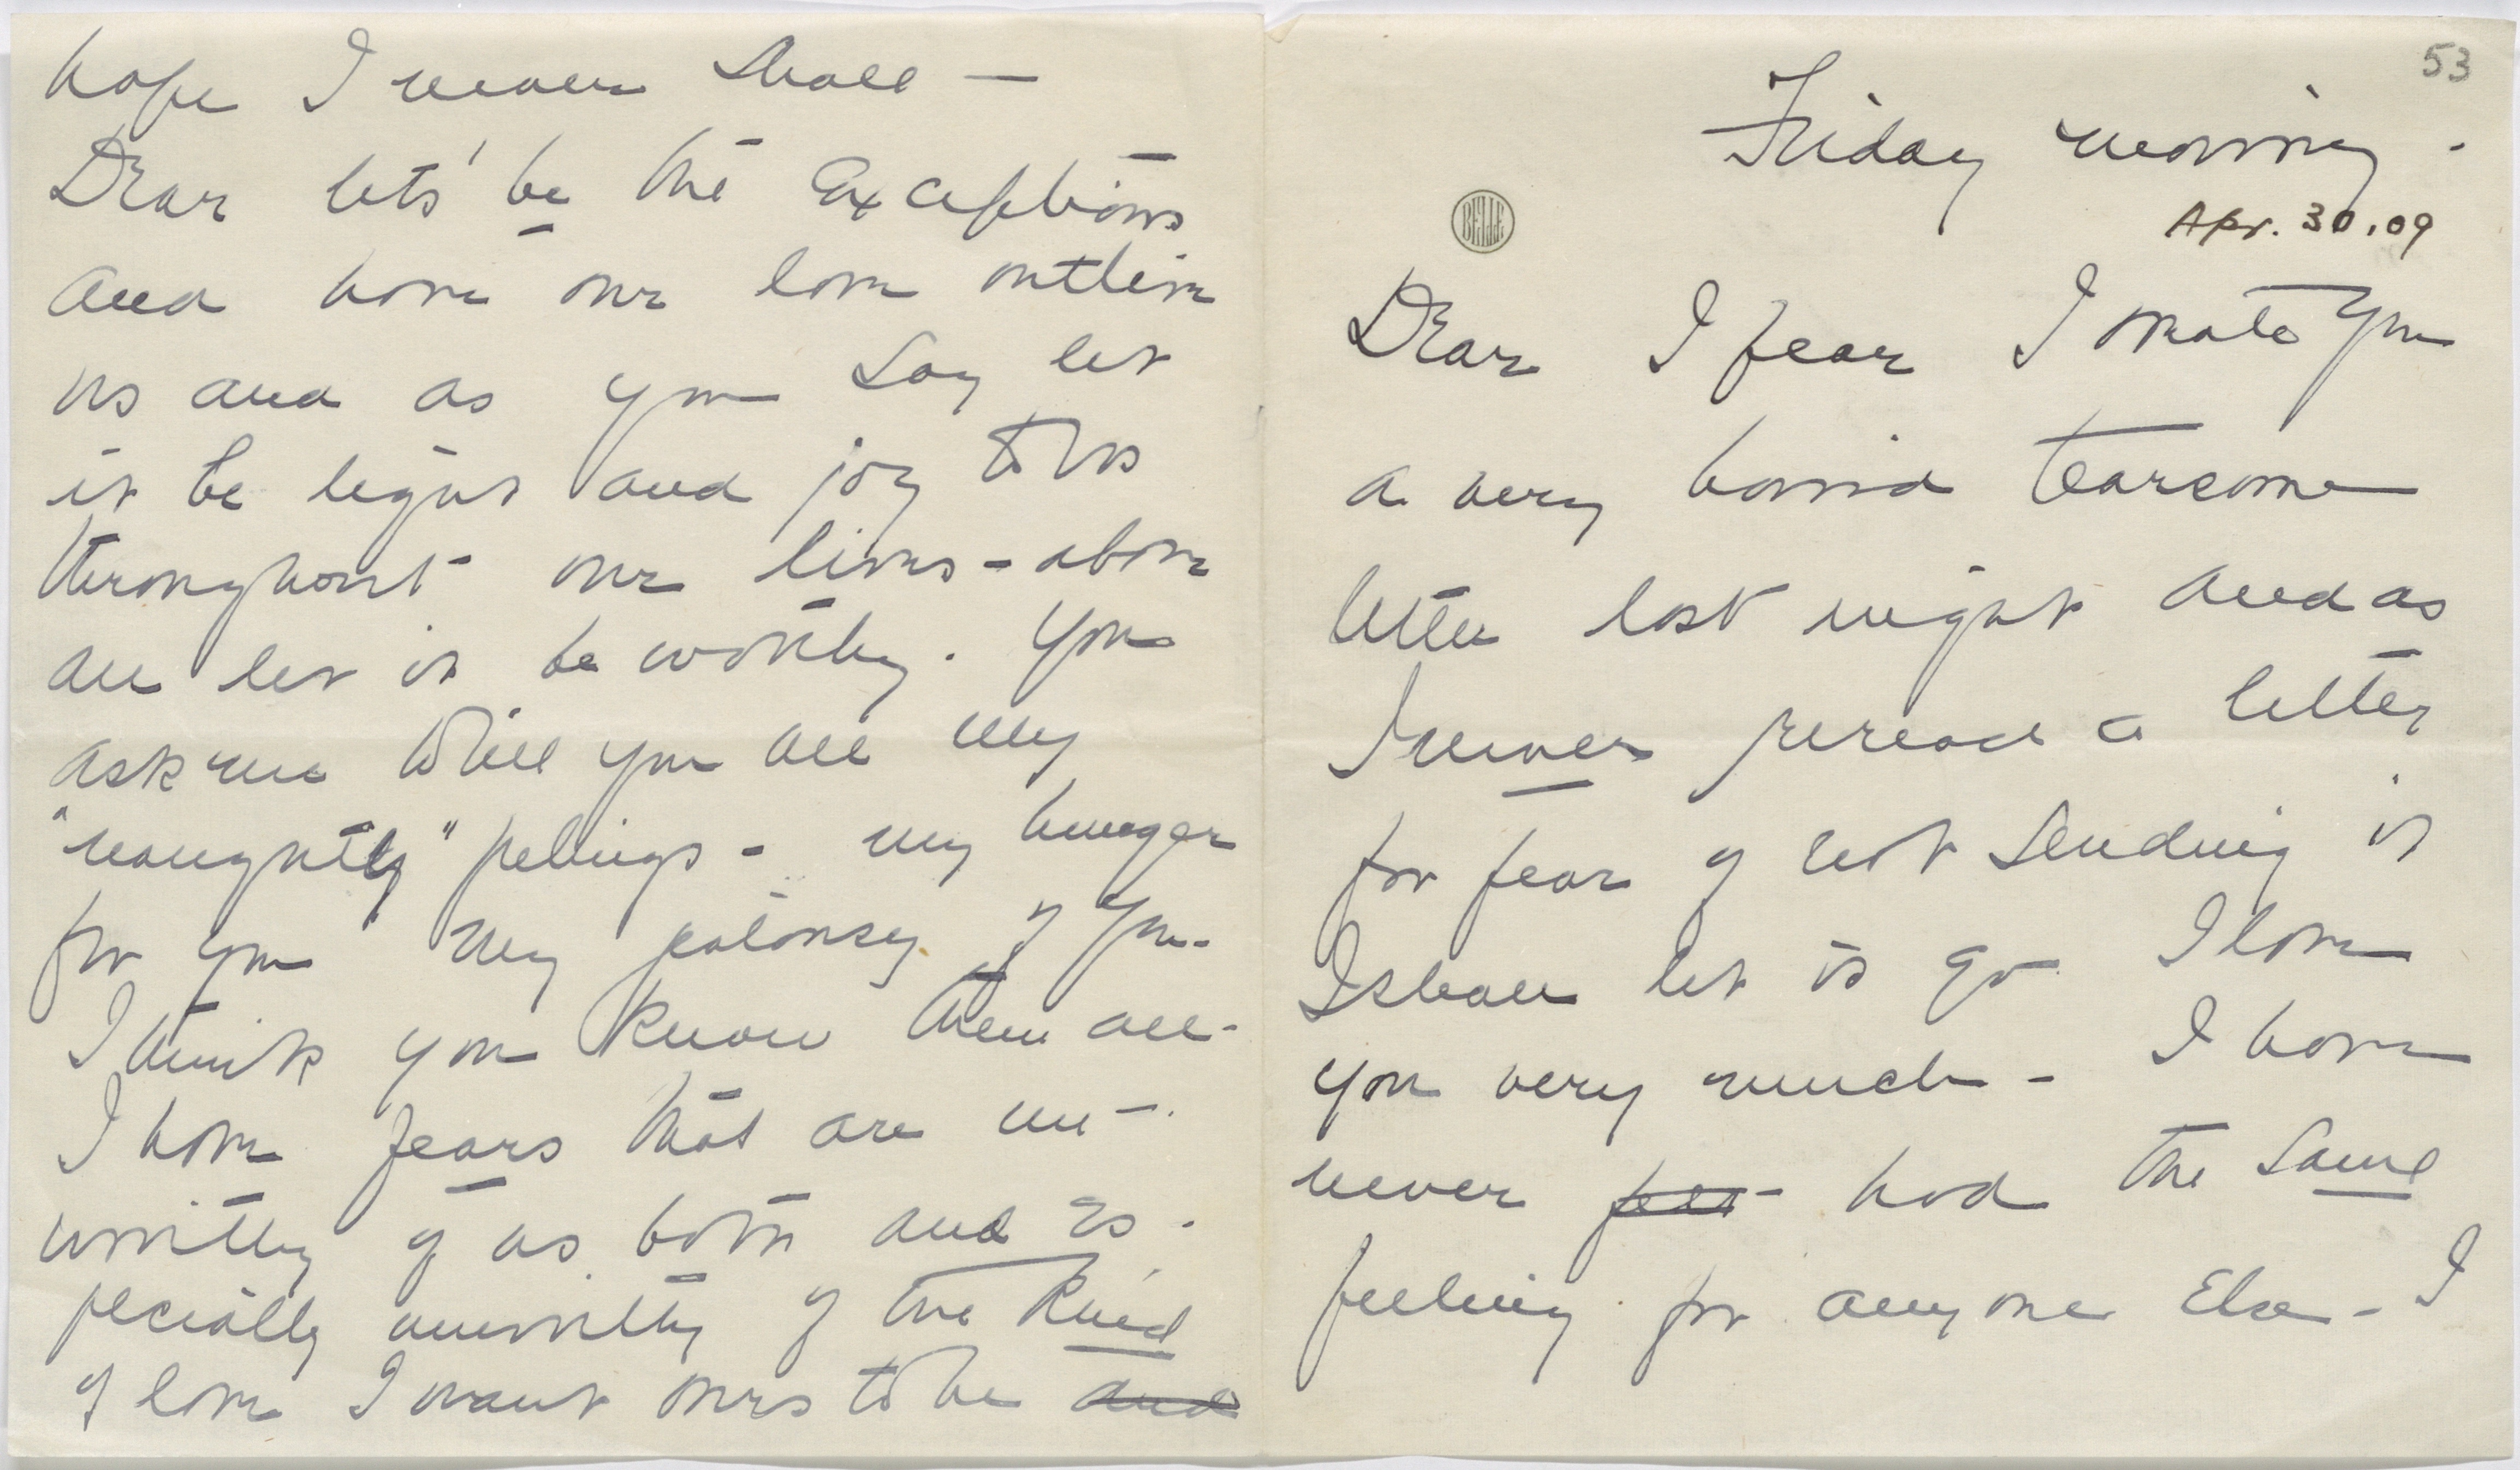Friday morning –
Dear I fear I wrote you a very horrid tearsome letter last night and as I never reread a letter for fear of not sending it I shall let it go. I love you very much – I have never felt had the same feeling for anyone else – I
hope I never shall –
Dear let’s be the exceptions and have our love outlive us and as you say let it be light and joy to us throughout our lives – above all let it be worthy. You ask me to tell you all my “naughty” feelings – my hunger for you my jealousy of you – I think you know them all – I have fears that are unworthy of us both and especially unworthy of the kind of love I want ours to be and